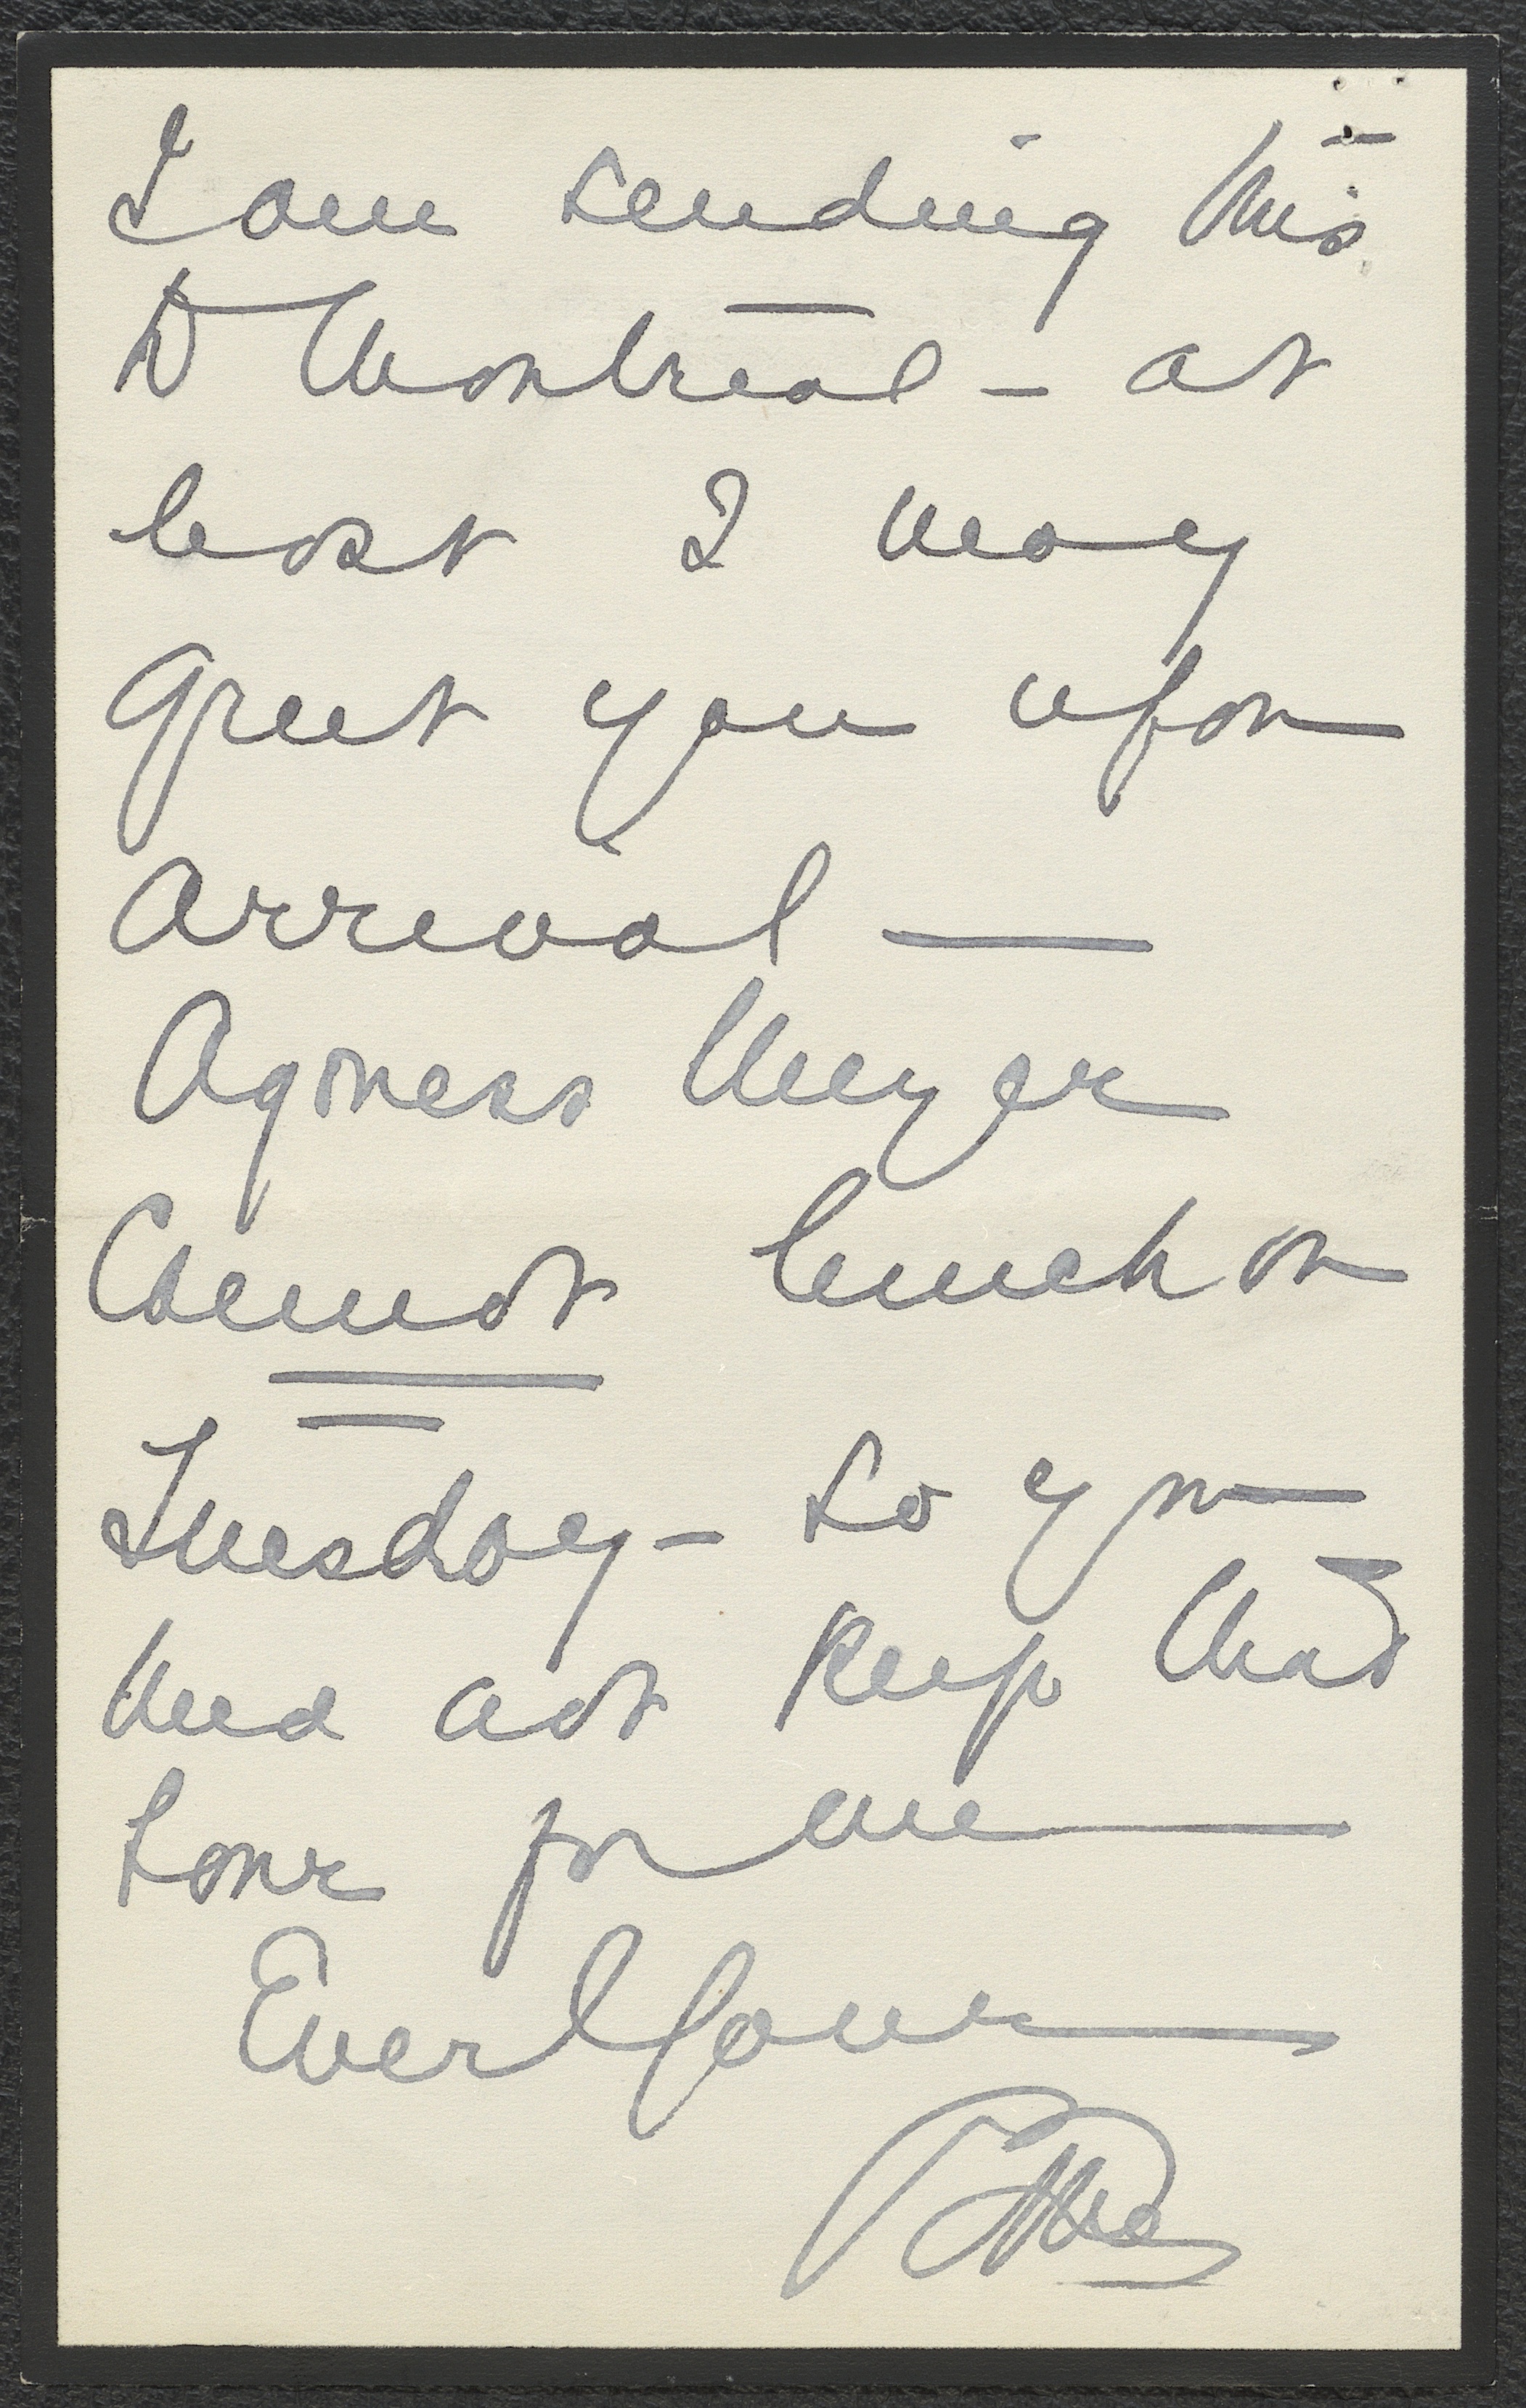I am sending this to Montreal – at last I may greet you upon arrival – Agoness Meyer [double underlined: cannot] lunch on Tuesday – so you need not keep that hour for me
Ever your
Belle